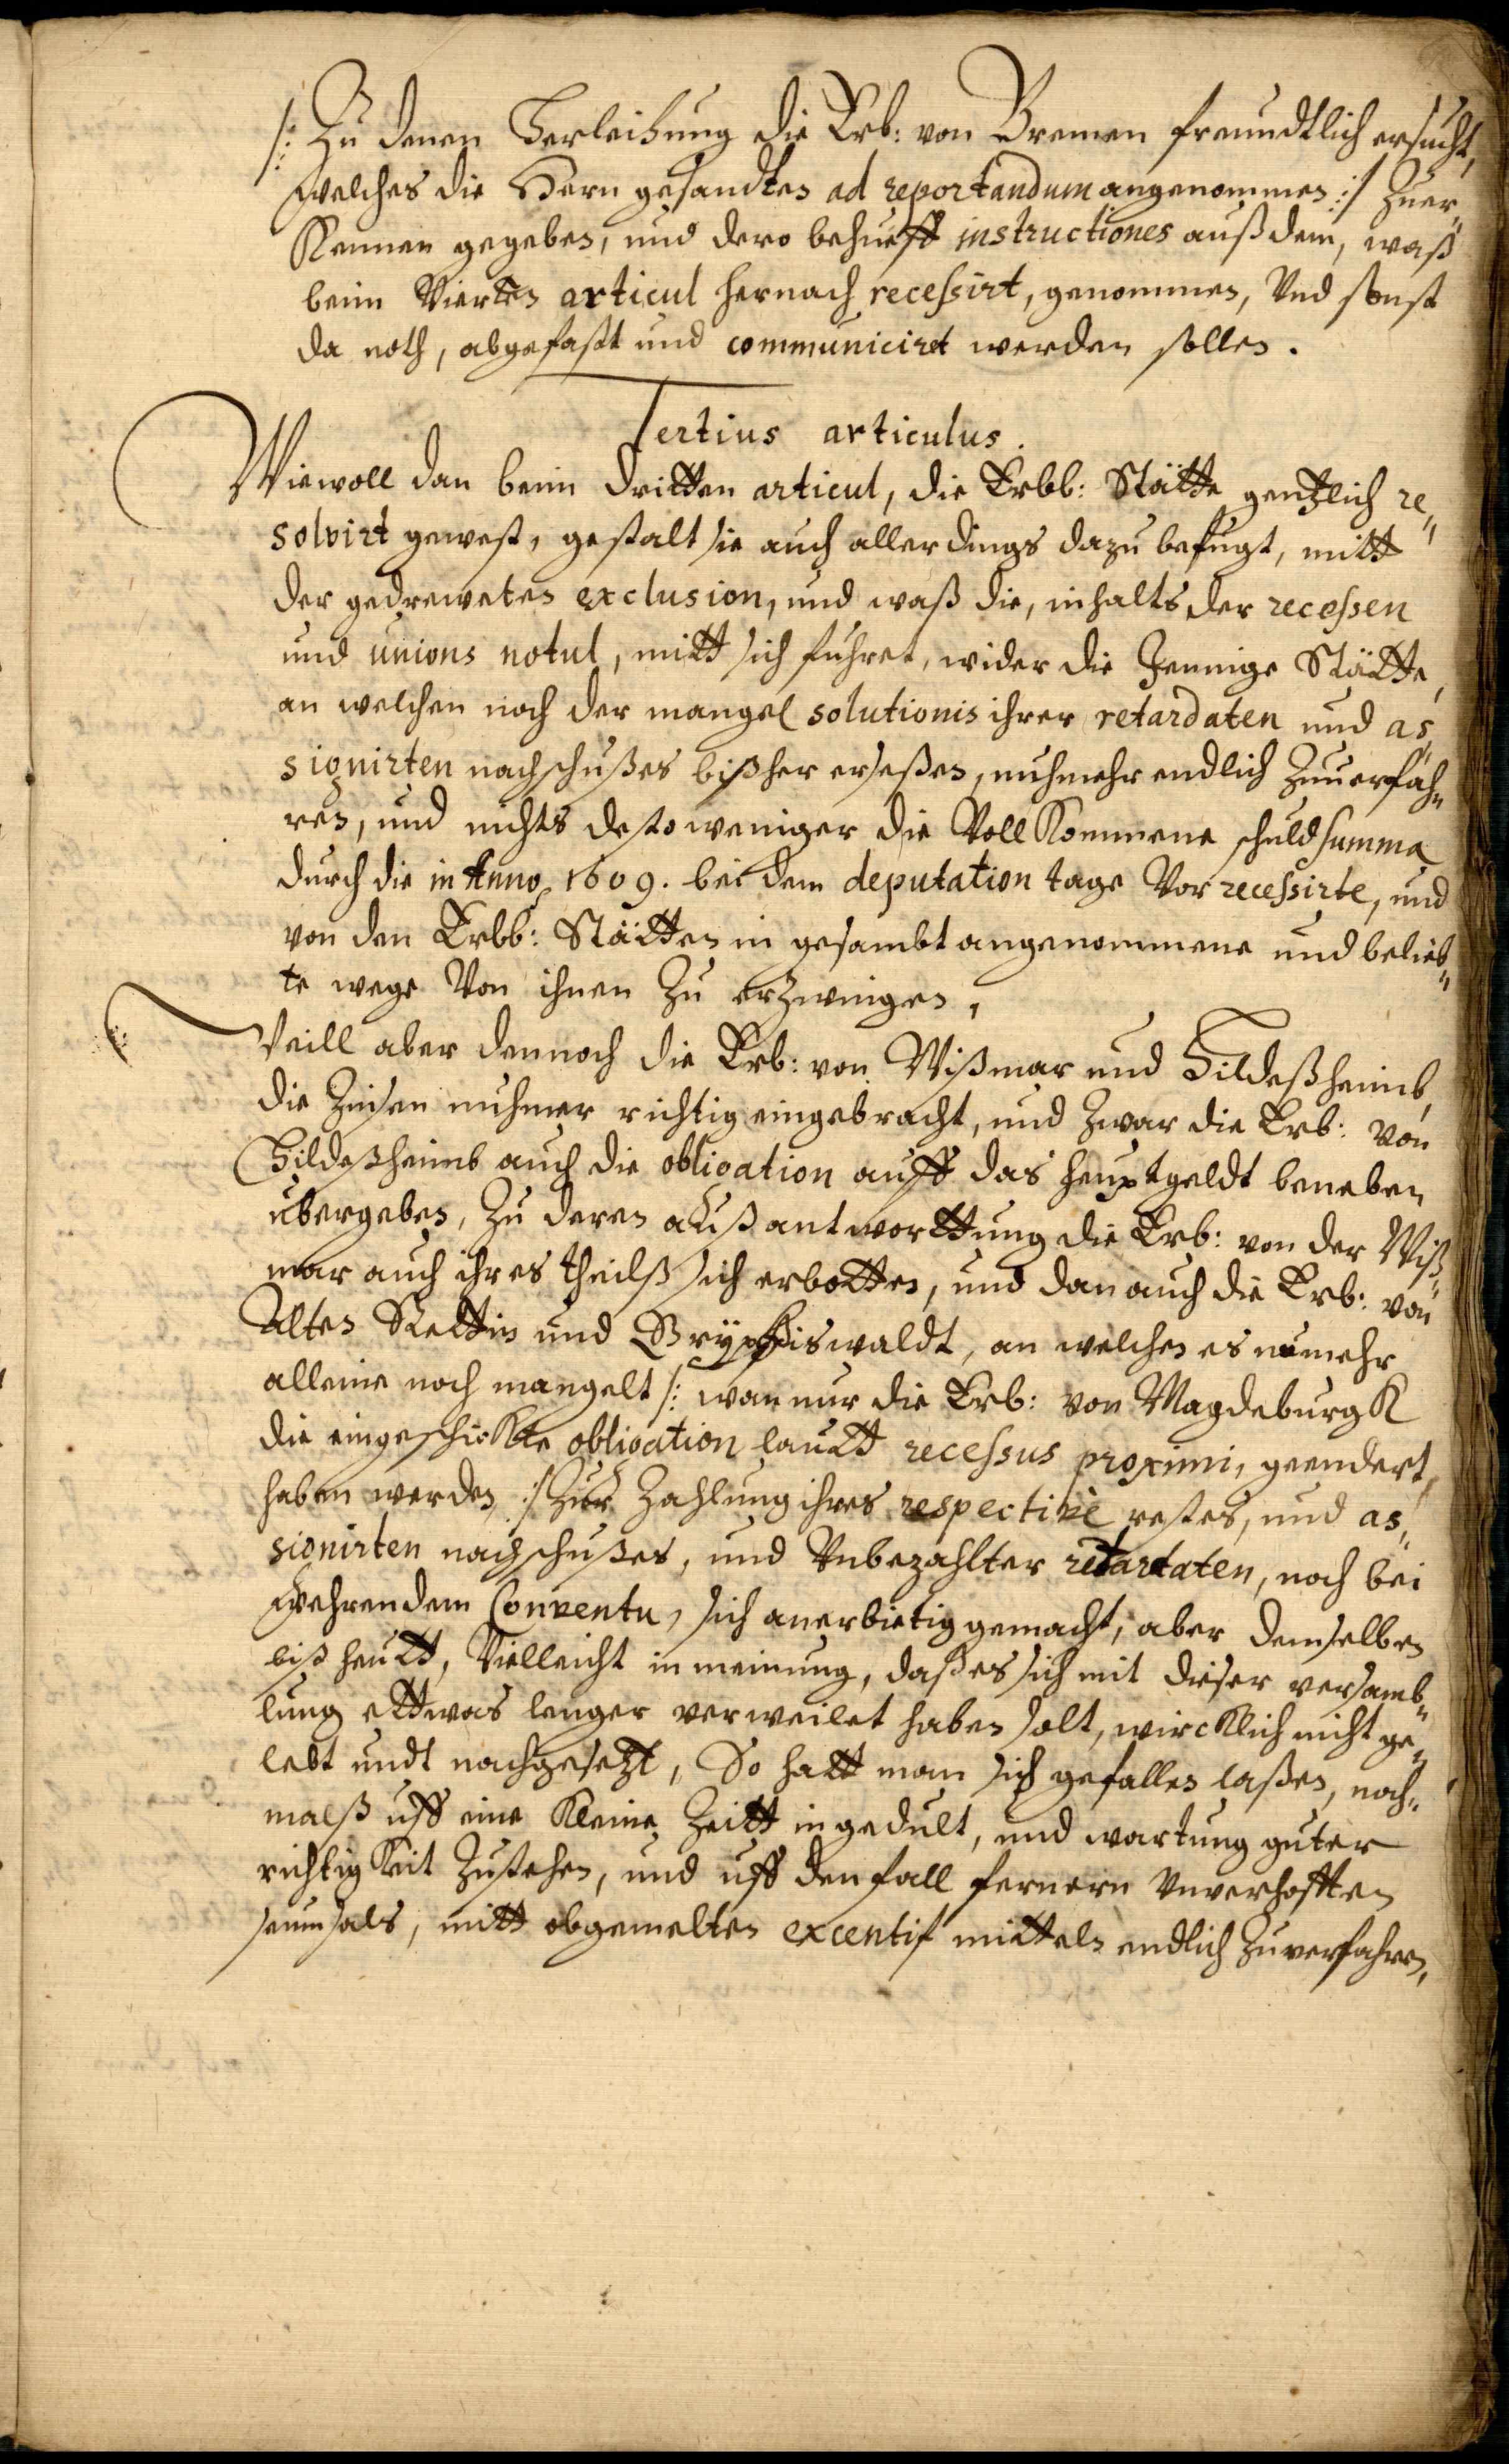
/: Zu denen Herleihung die Erb. von Bremen freundtlich ersucht,
welches die Hern gesandten ad reportandum angenommen :/ Zuer¬
kennen gegeben, und dero behueff instructiones auß dem, waß
beim Vierten articul hernach recessirt, genommen, Vnd sonst
da noth, abgefaßt und communiciret werden sollen.
Tertius articulus.
Wiewoll dan beim dritten articul, die Erbb: Stätte gentzlich re¬
solvirt gewest, gestalt sie auch allerdings dazu befugt, mitt
der gedreweten exclusion, vnd waß die, inhalts der recessen
und unions notul, mitt sich fuhret, wider die Jennige Stätte,
an welchen noth der mangel solutionis ihrer retardaten und as¬
signirten nachschußes bißher erseßen, nuhmehr endlich zuuerfah¬
ren, und nichts desto weniger die Vollkommene schuldsumma
durch die in Anno p 1609. bei dem deputation tage Vor recessirte, und
von den Erbb: Stätten in gesambt angenommene vnd belieb¬
te wege Von ihnen zu erzwingen,
Weill aber dennoch die Erb: von Wißmar und Hildeßheimb,
die Zinsen nuhmer richtig eingebracht, und zwar die Erb: von
Hildeßheimb auch die obligation auff das heuptgeldt beneben
ubergeben, zu deren auß antworttung die Erb: von der Wiß¬
mar auch ihres theilß sich erbotten, und dan auch die Erb: von
Alten Stettin und Grijphiswaldt, an welchen es numehr
alleine noch mangelt /: wan nur die Erb: von Magdeburgk
die eingeschickte obligation lautt recessus proximi, geendert,
haben werden, :/ Zur Zahlung ihres respective restes, und as¬
signirten nachschußes, und Vnbezahlter retardaten, noch bei
wehrendem Conventu, sich anerbietig gemacht, aber demselben
biß heutt, Vielleicht in meinung, daß es sich mit dieser versamb¬
lung ettwas lenger verweilet haben solt, wircklich nicht ge¬
lebt undt nachgesetzt, So hatt man sich gefallen laßen, noch¬
malß uff eine kleine Zeitt in gedult, und wartung guter
richtigkeit Zustehen, und uff den fall fernern vnverhofften
seumsals, mitt obgemelten excentif mitteln endlich Zu verfahren,
